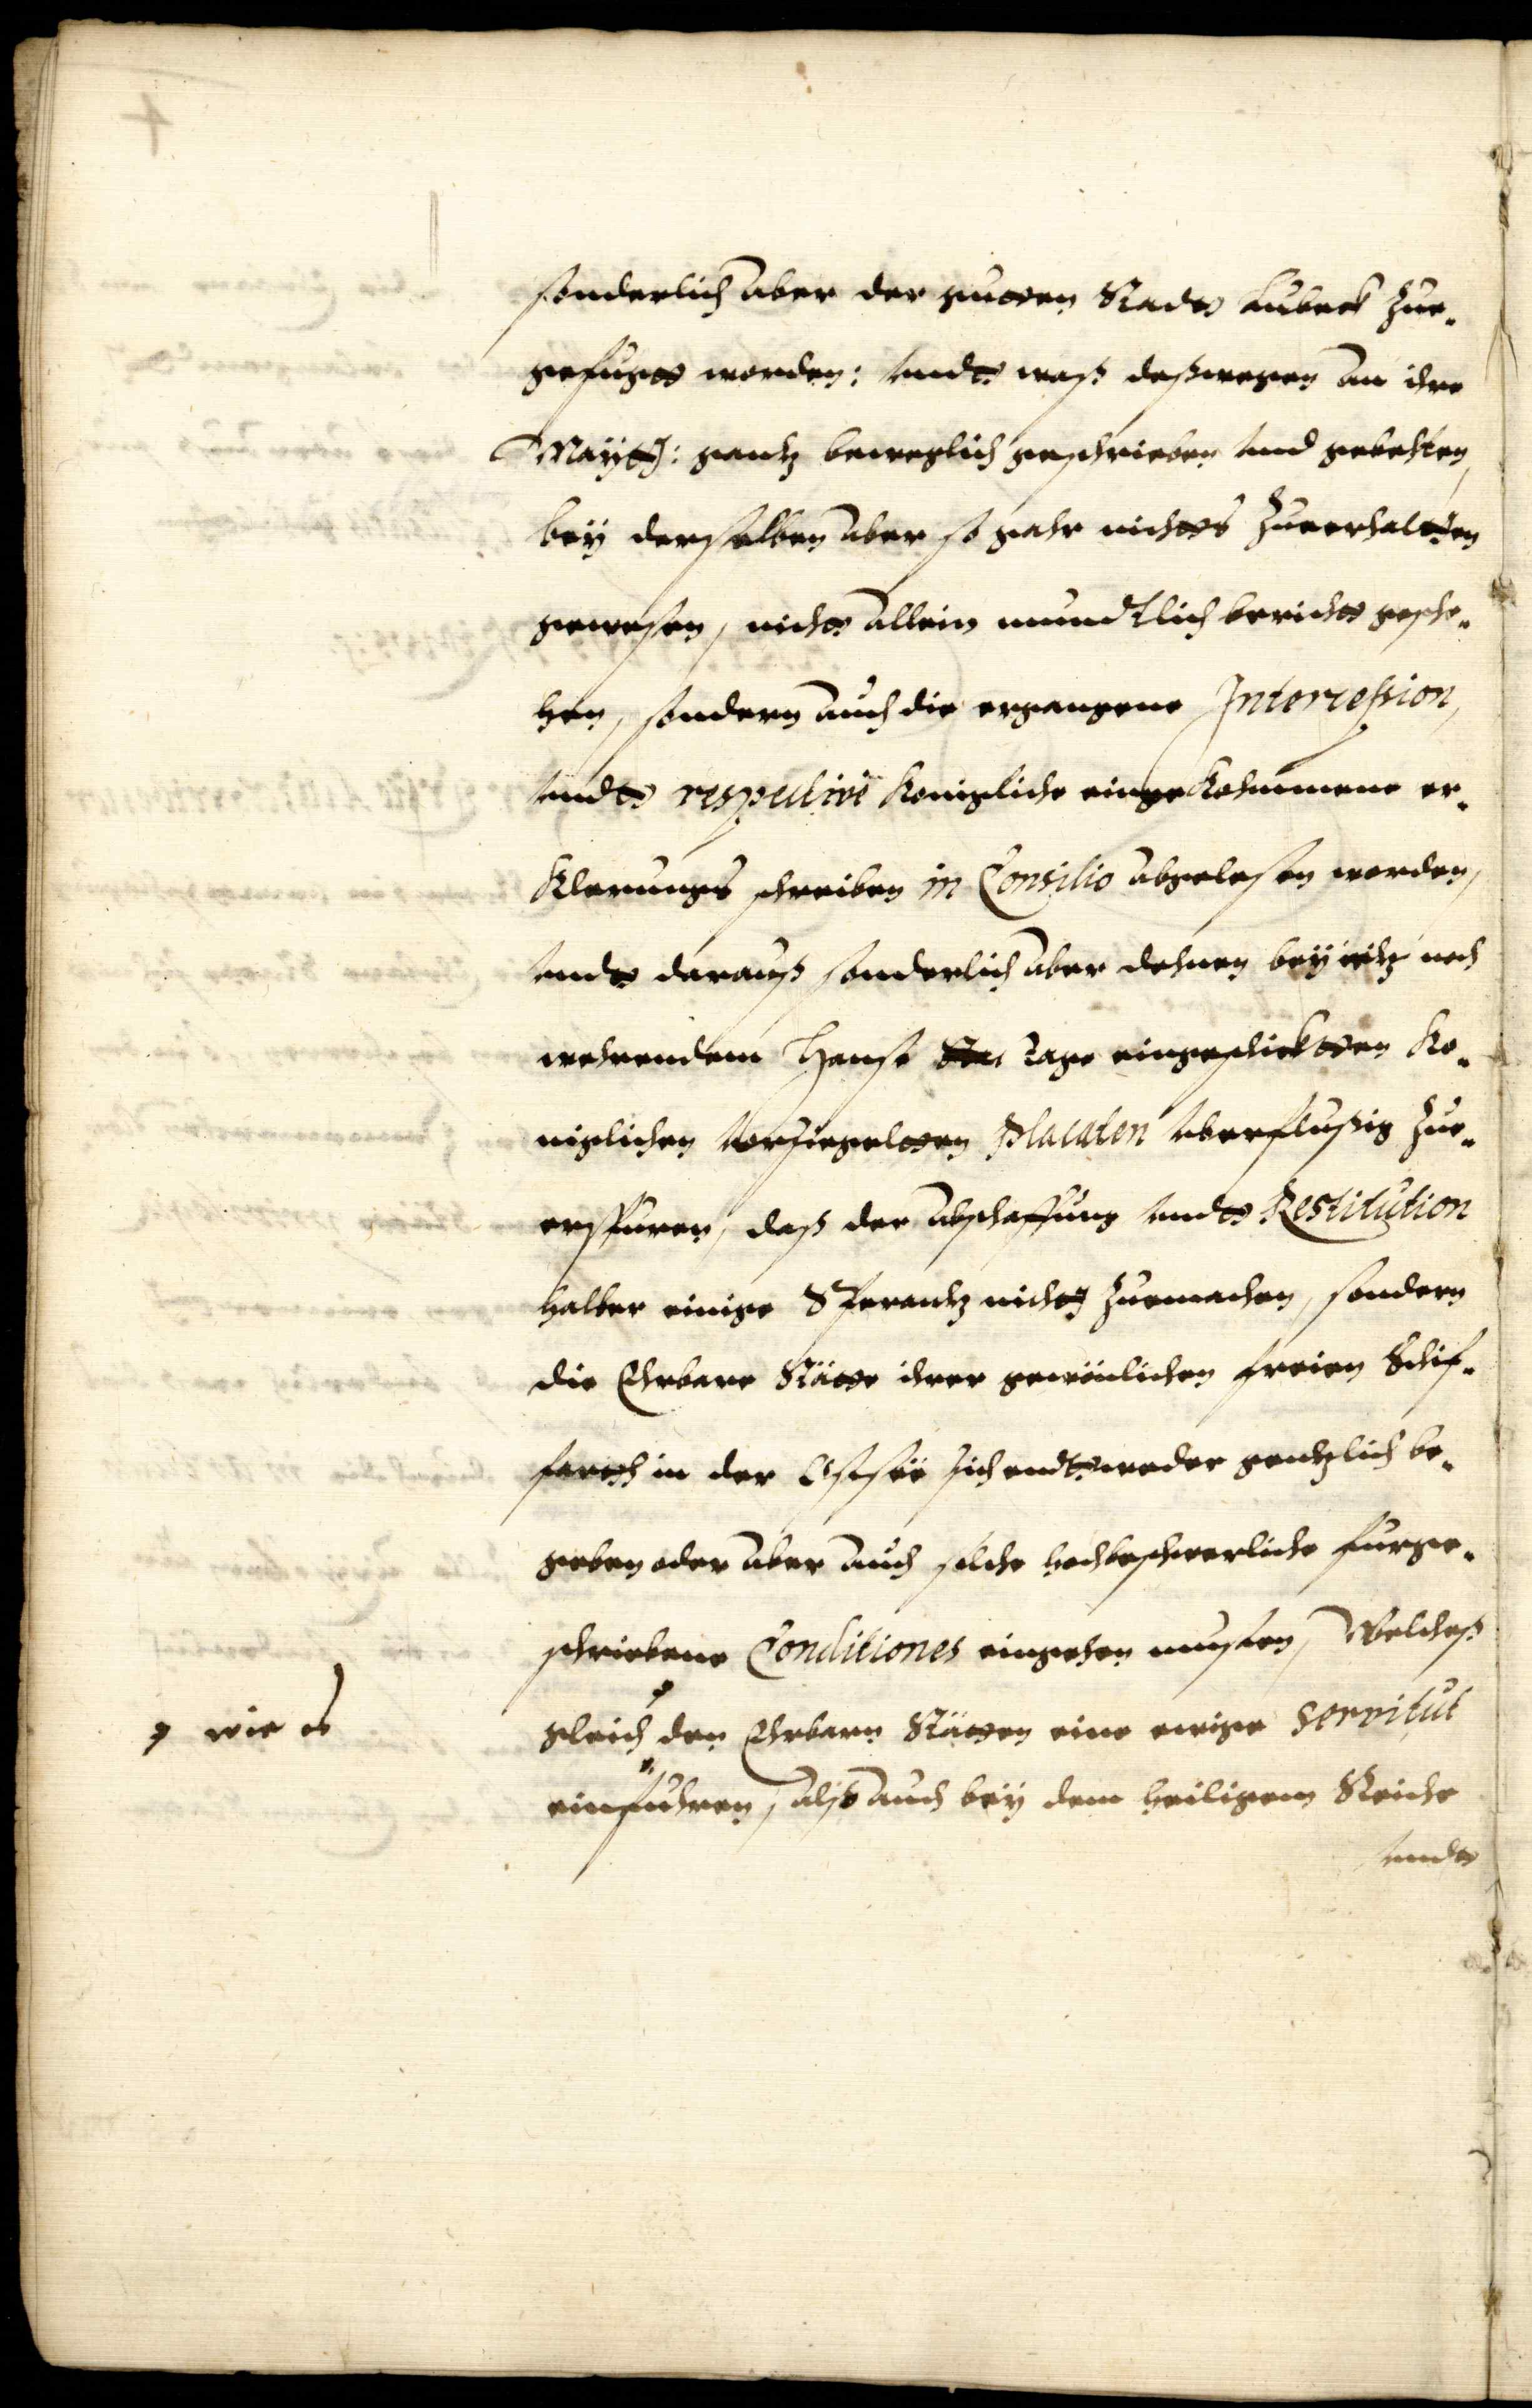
sonderlich aber der gutten Stadtt Lubeck zue¬
gefugtt worden: vndtt waß deßwegen an ihre
Maijtt: gantz beweglich geschrieben vnd gebehten,
beij derselben Aber so gahr nichtts zueerhaltten
gewesen, nichtt allein mundtlich berichtt gesche¬
hen, sondern auch die ergangene Intercession,
vndtt respective konigliche eingekohmmene er¬
klerungs schreiben in Consilio Abgelesen worden,
vndtt darauß sonderlich Aber dehnen beij ietz noch
wehrendem Hanse Stat Tage eingeschicktten ko¬
niglichen versiegeltten placaten vberflußig zue¬
erspuren, daß der Abschaffung vndtt Restitution
halber einige Sperantz nichtt zuemachen, sondern
die Ehrbare Stätte ihrer gewönlichen freien Schif¬
fartth in der Ostsee sich endttweder gentzlich be¬
geben oder Aber Auch solche hochbeschwerliche furge¬
schriebene Conditiones eingehen musten, Welches
gleich * den Ehrbarn Stätten eine ewige servitut
einfuhren, Alß Auch beij dem heiligem Reiche
vndtt
* wie es
